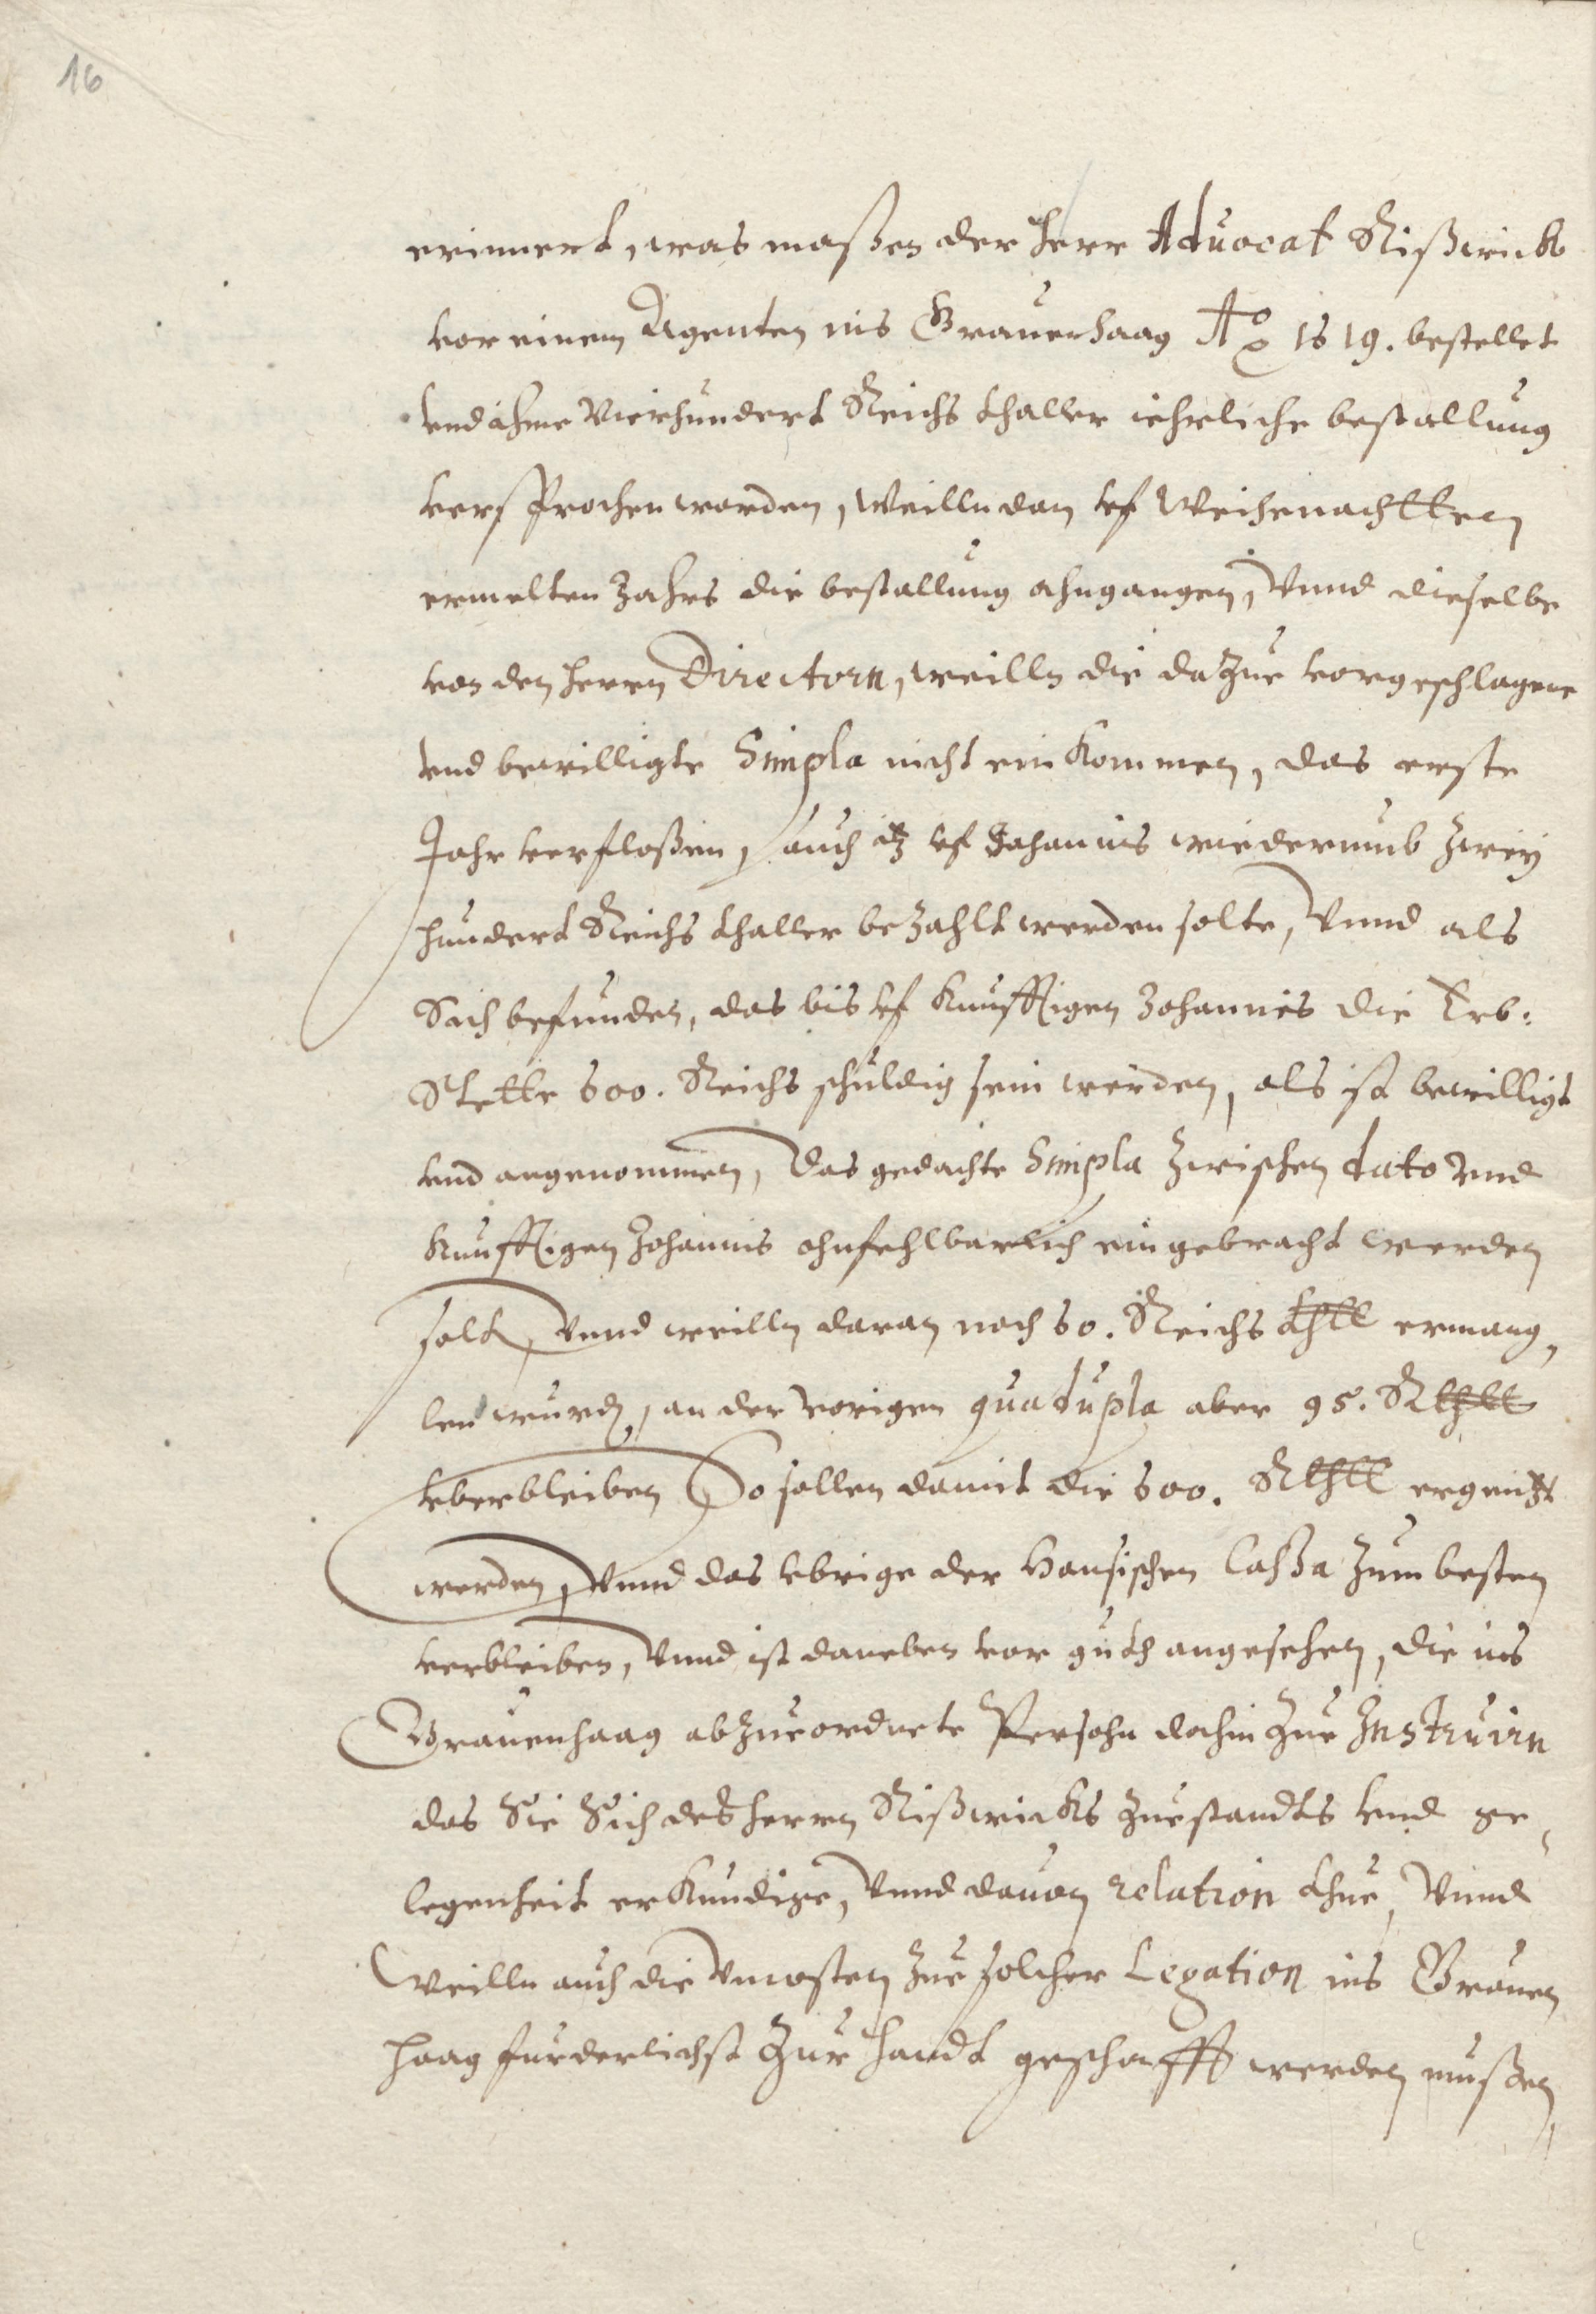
erinnert, was maßen der Herr Aduocat Rißwick
vor einem Agenten ins Grauerhaag Anno etcetera 1619. bestellet
vnd ahme Vierhundert Reichs thaller iehrliche bestallung
versprochen worden, weilln dan vf Weihenachtten
ermelten zahrs die bestallung ahngangen, Vnnd dieselbe
vor den Herrn Directorn, weilln die dazue vorgeschlagene
vnd bewilligte Simpla nicht einkommen, das erste
Jahr verfloßen, auch itz vf Jahannis wiederumb zweij
hundert Reichs thaller bezahlt werden solte, Vnnd als
Sich befunden, das bis vf kunfftigen Johannis die Erb:
Stette 600. Reichs schuldig sein werden, als ist bewilligt
vnd angenommen, Das gedachte Simpla zwischen dato vnd
kunfftigen Johannis ohnfehlbarlich eingebracht werden
solten, vnnd weilln daran noch 60. Reichs thaller ermang¬
len wurden, an der vorigen quadupla aber 95. Reichsthaller
vberblieben so sollen damit die 600. Reichsthaller ergenzt
werden, vnnd das vbrige der Hansischen Cassa zum besten
verbleiben, vnnd ist daneben vor guth angesehen, die ins
Grauenhaag abzueordnete Persohn dahin zue Instruirn
das Sie Sich des Herrn Rißwicks zuestandts vnd ge¬
legenheit erkundige, vnnd dauon relation thue, Vnnd
weille auch die Vncosten zue solcher Legation ins Grauen¬
haag furderlichst zur handt geschafft werden mußen,
